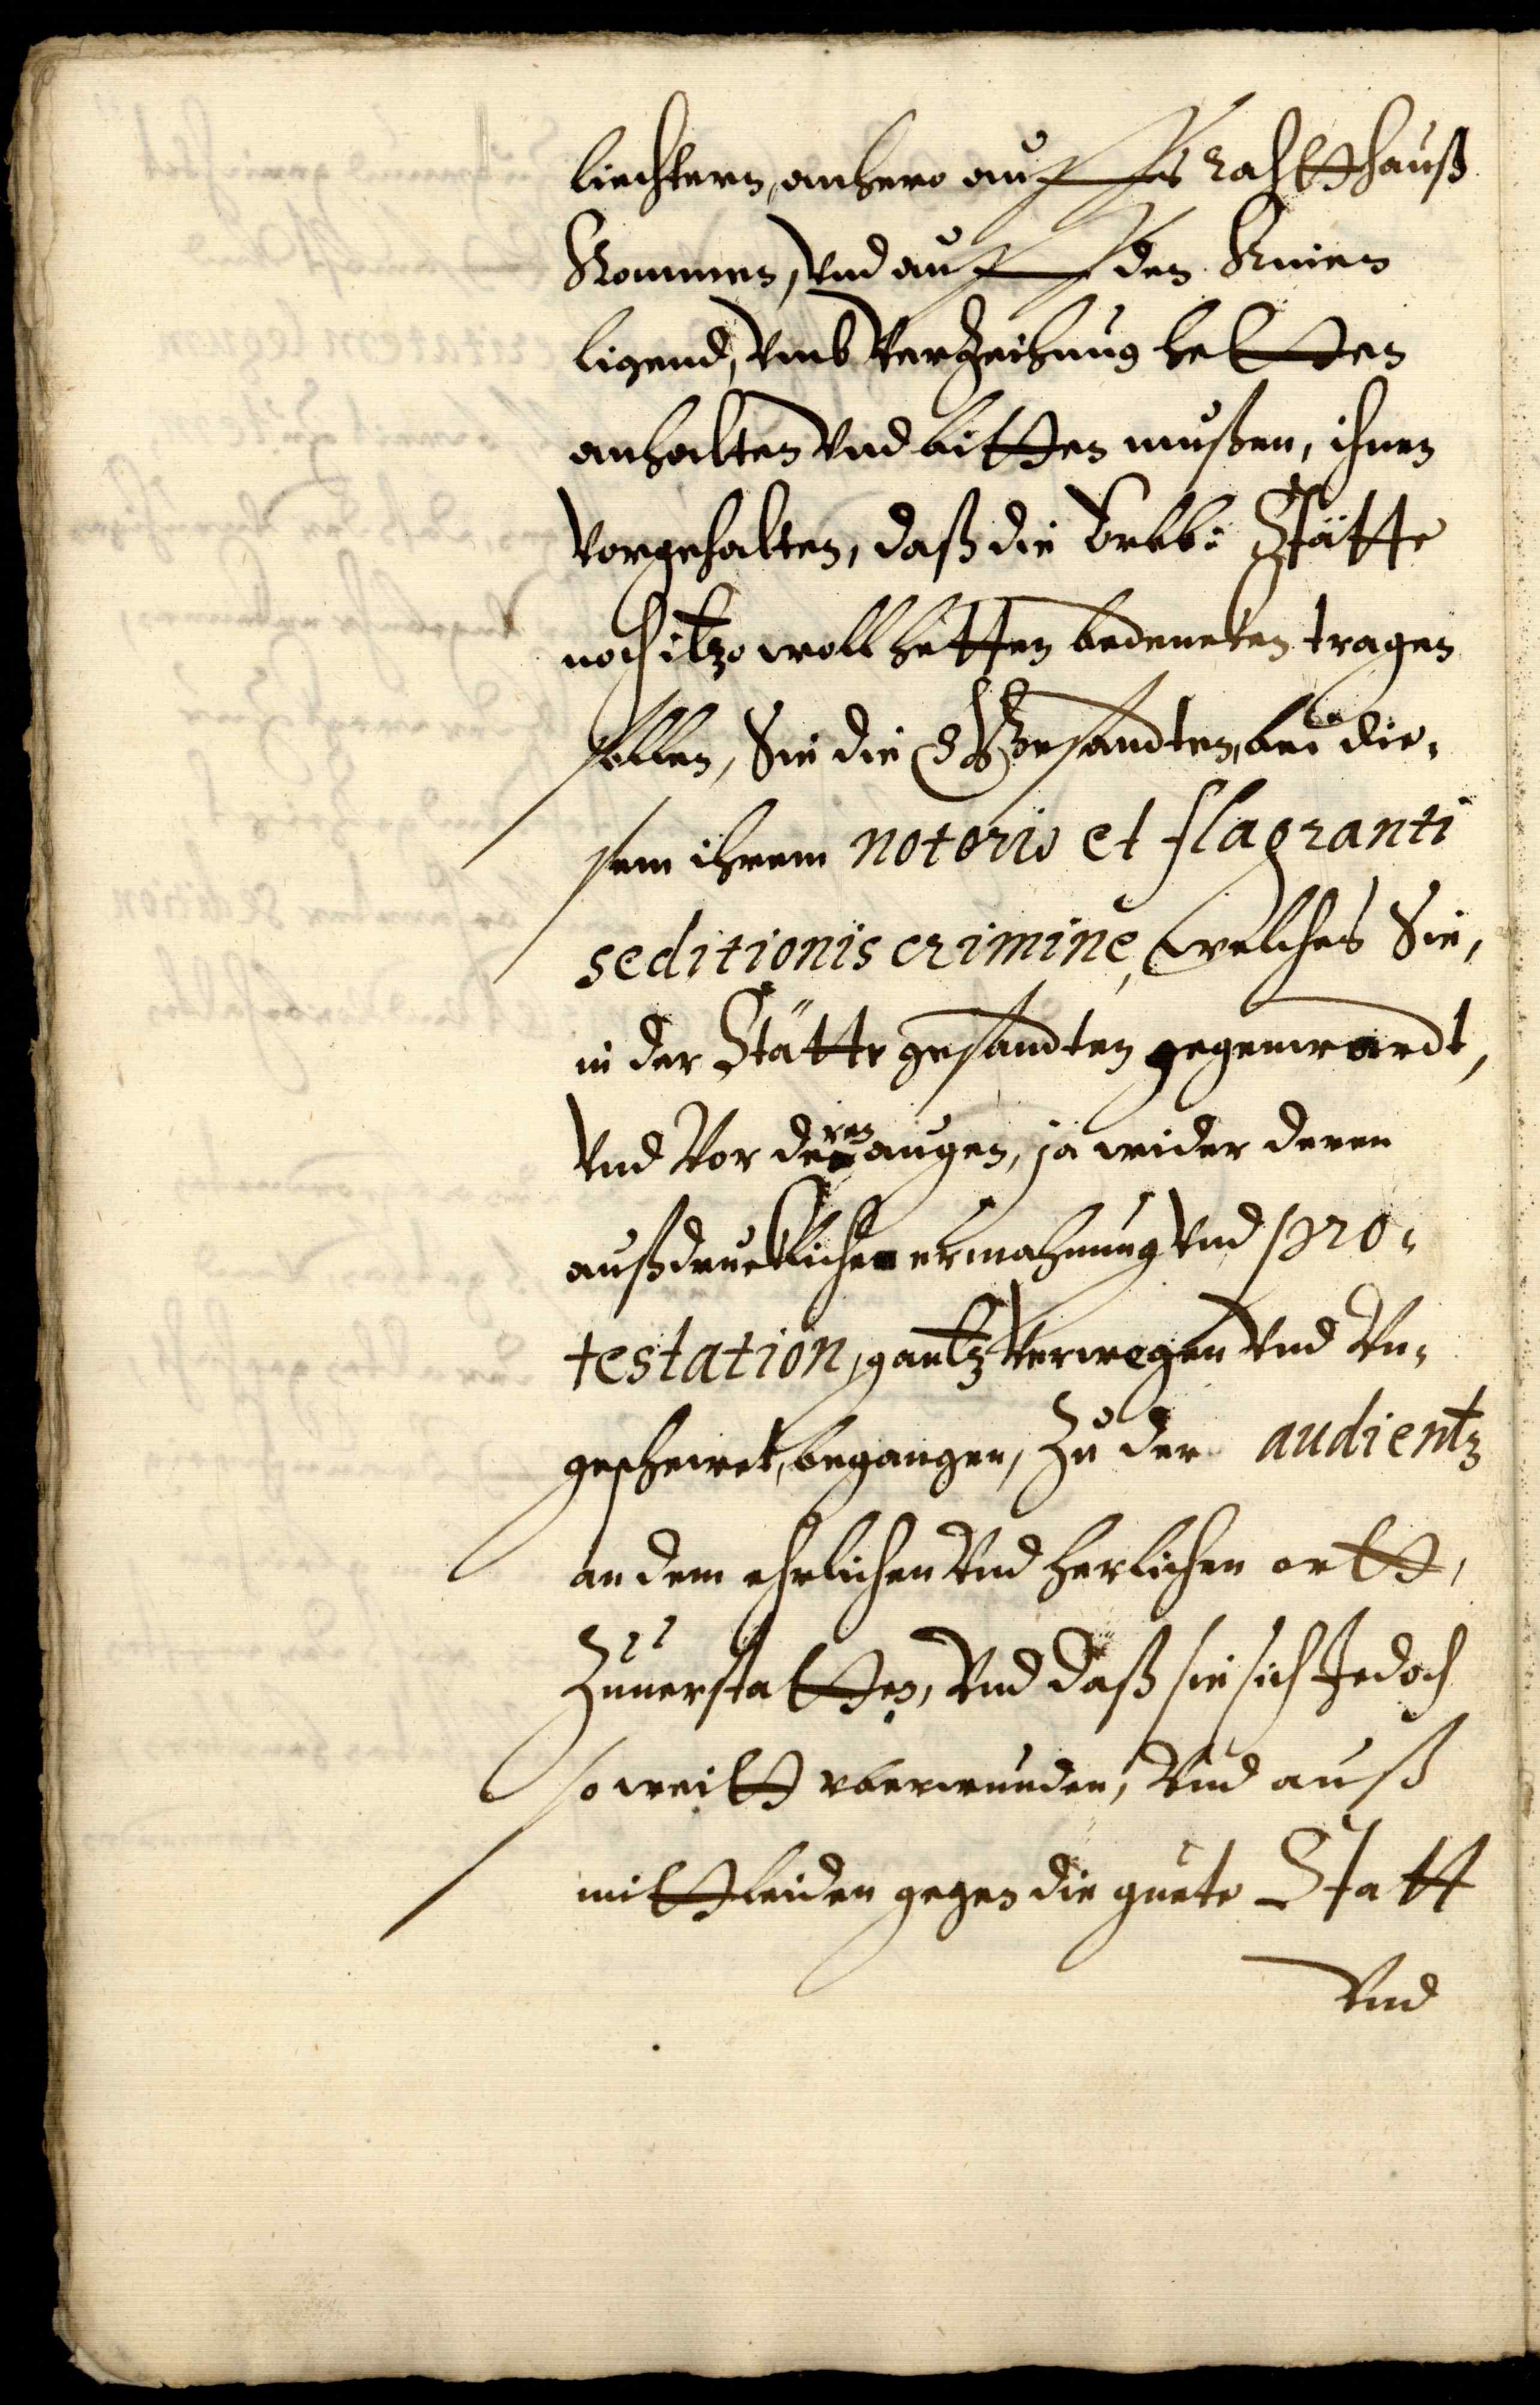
liechtern, anhero auffs rahtthauß
Kommen, Vnd auff den knien
liegend, Vmb Verzeihung hetten
anhalten Vnd bitten mußen, ihnen
Vorgehalten, daß die Erbb: Stätte
noch itzo woll hetten bedencken tragen
sollen, Sie die Gesandten, bei die¬
sem ihrem notorio et flagranti
seditionis crimine, welches Sie,
in der Stätte gesandten gegenwardt,
Vnd Vor denren augen, ja wider deren
außdrucklichen ermahnung Vnd pro¬
testation, gantz Verwegen Vnd Vn¬
geschewet, begangen, Zu der audientz
an dem ehrlichen Vnd herlichen ortt
Zuuerstatten, Vnd Daß sie sich Jedoch
soweitt vberwunden, Vnd auß
mittleiden gegen die guete Statt
Vnd
